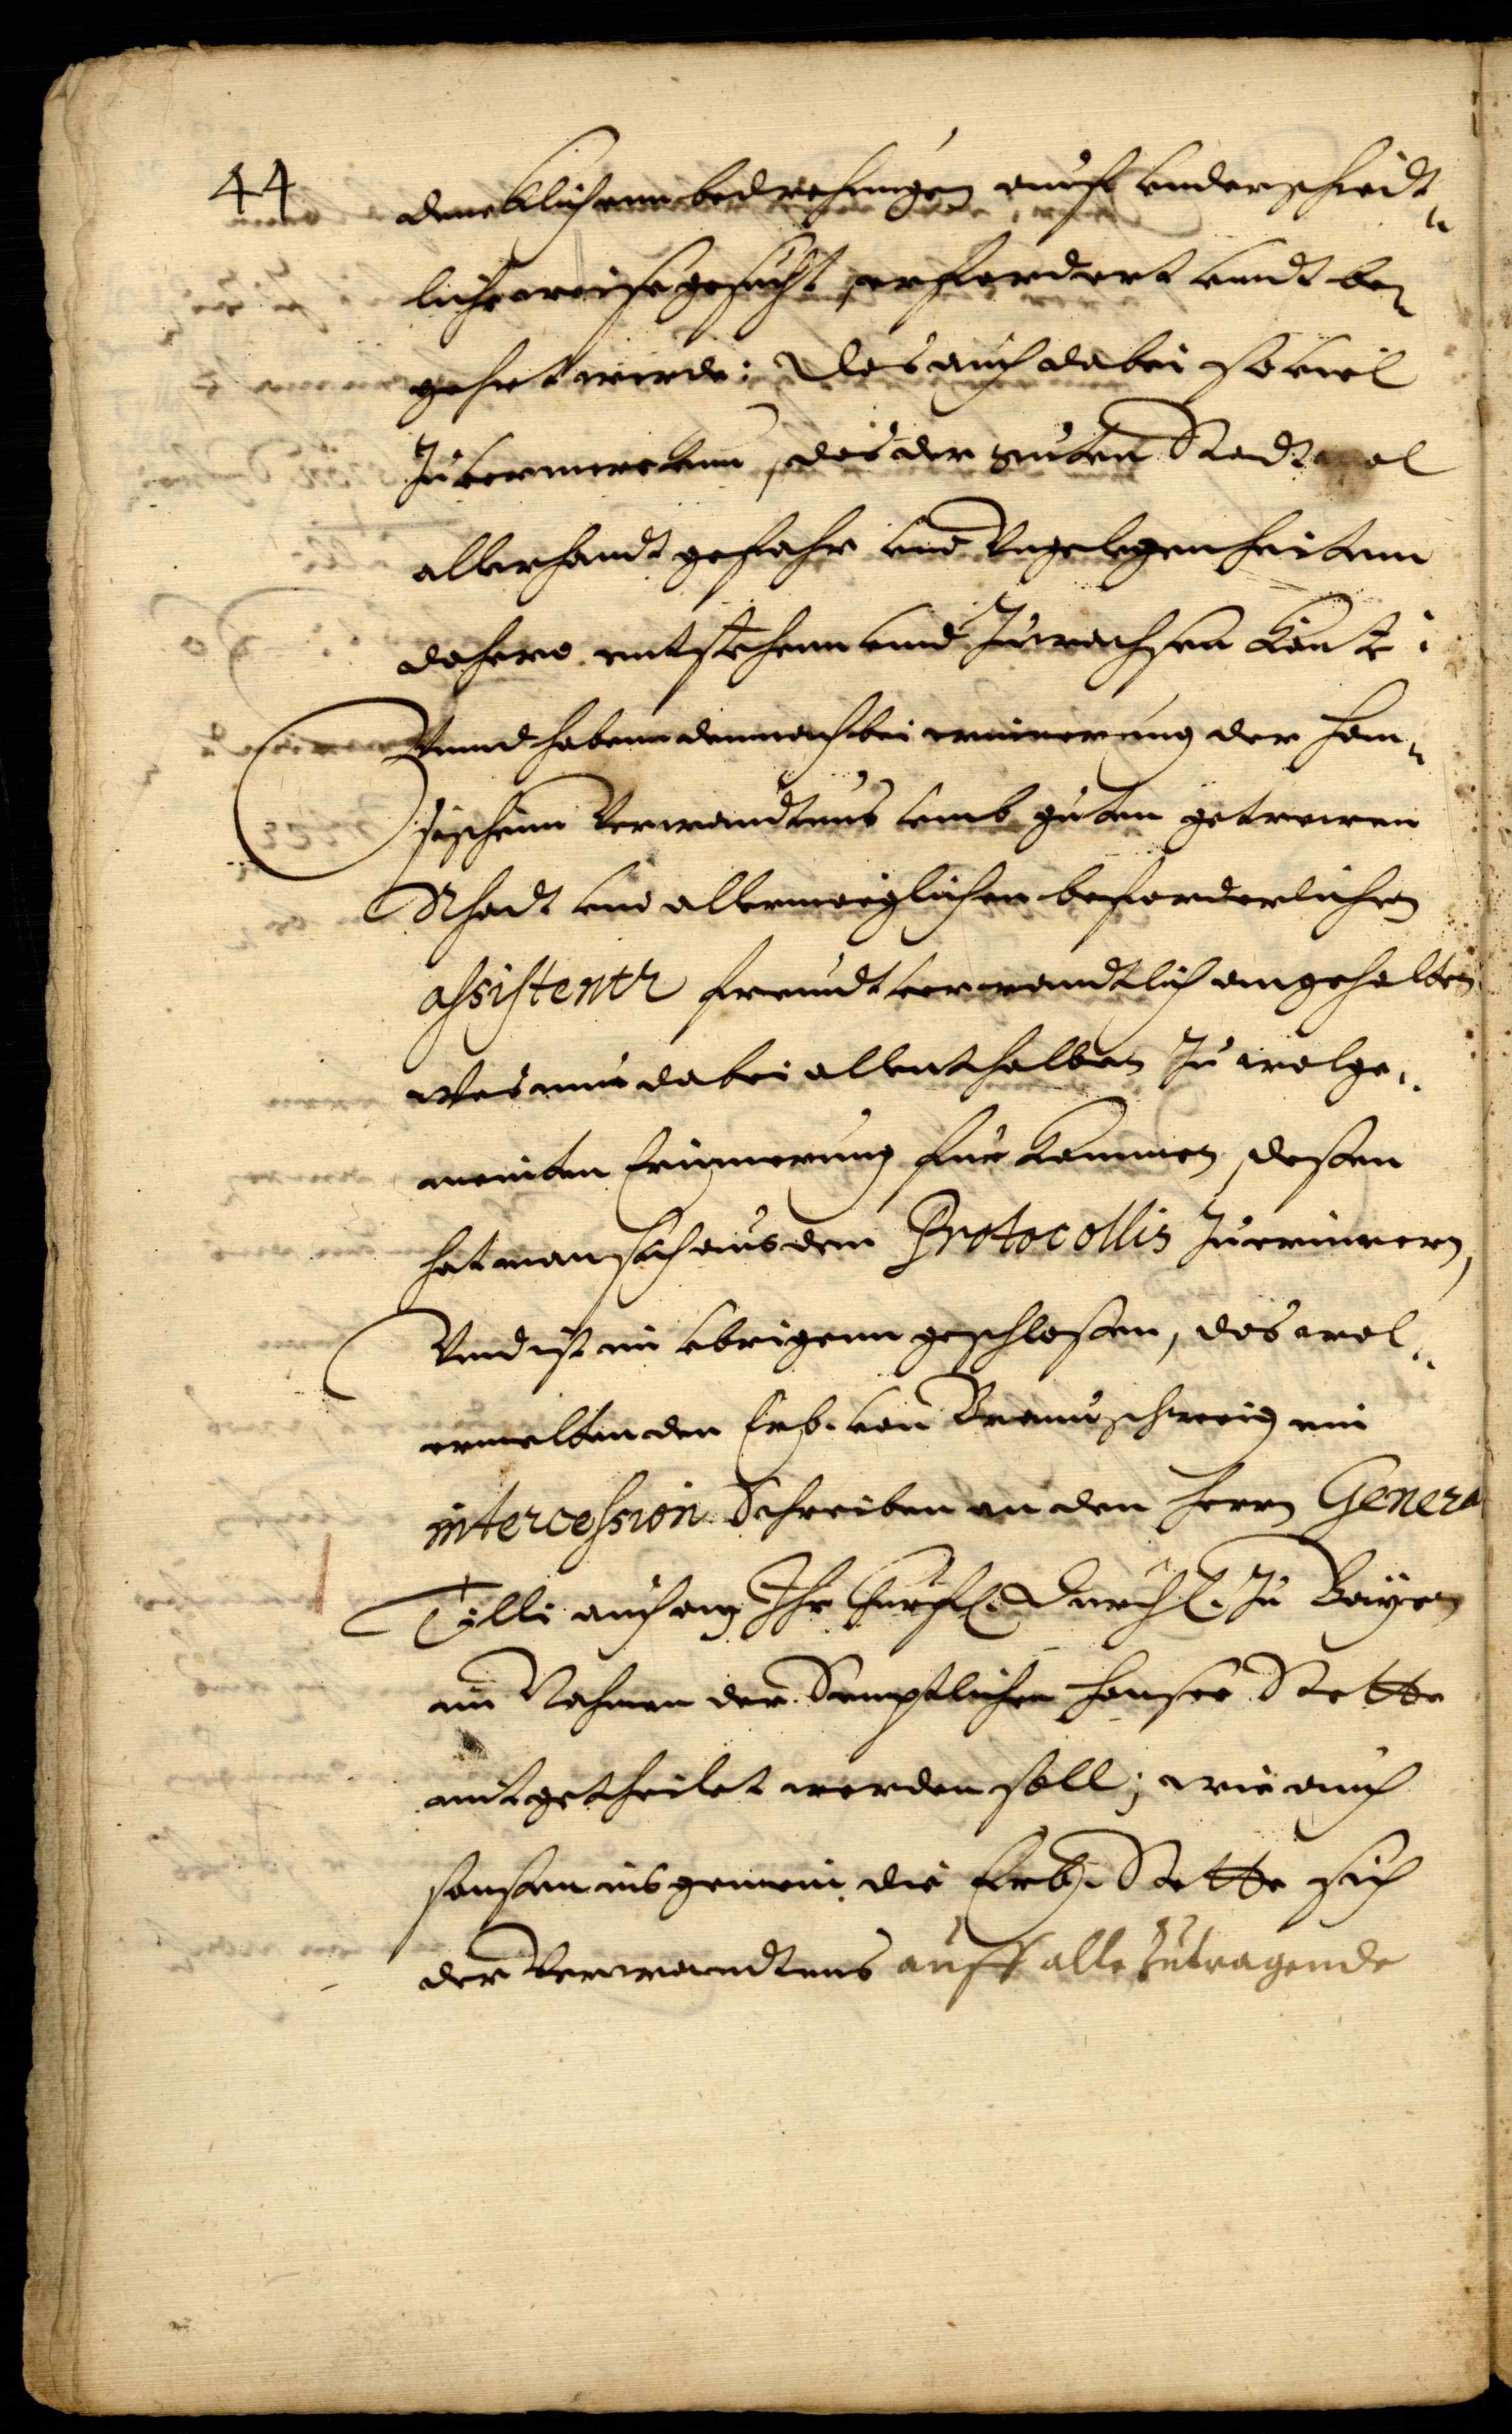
44
dencklichenn bedrohungen auf vnderscheidt¬
liche weise gesucht, erfordert vnndt be¬
gehrt werde: Das auch dabei sowol
zu vermerckenn, das der guten Stadt wol
allerhandt gefahr vnd Ungelegenheiten
dahero entstehenn vnnd zuwachsen könte:
Vnnd habenn demnach bei erinnerung der han¬
sischenn Verwandtnus vmb guten getrewen
Rhadt vnd allermoiglichen beforderlichen
assistentz freundtverwandtlich angehalten
was nun dabei allenthalben zu wolge¬
meinten Erinnerung fur kommen, deßen
hat man sich aus dem Protocollis zuerinnern,
Und ist im vbrigenn geschloßen, des wol¬
ermeltenden Erb. von Braunschweig ein
intercession Schreiben an den herrn Genera
Tilli auch an Ihr Churfl. Durchl. zu Baijern
im Nahmen der Semptlichen Hansee Stette
mitgetheilet werden soll; wie auch
sonsten insgemein die Erb. Stette sich
der Verwandtnus auff alle zutragende
